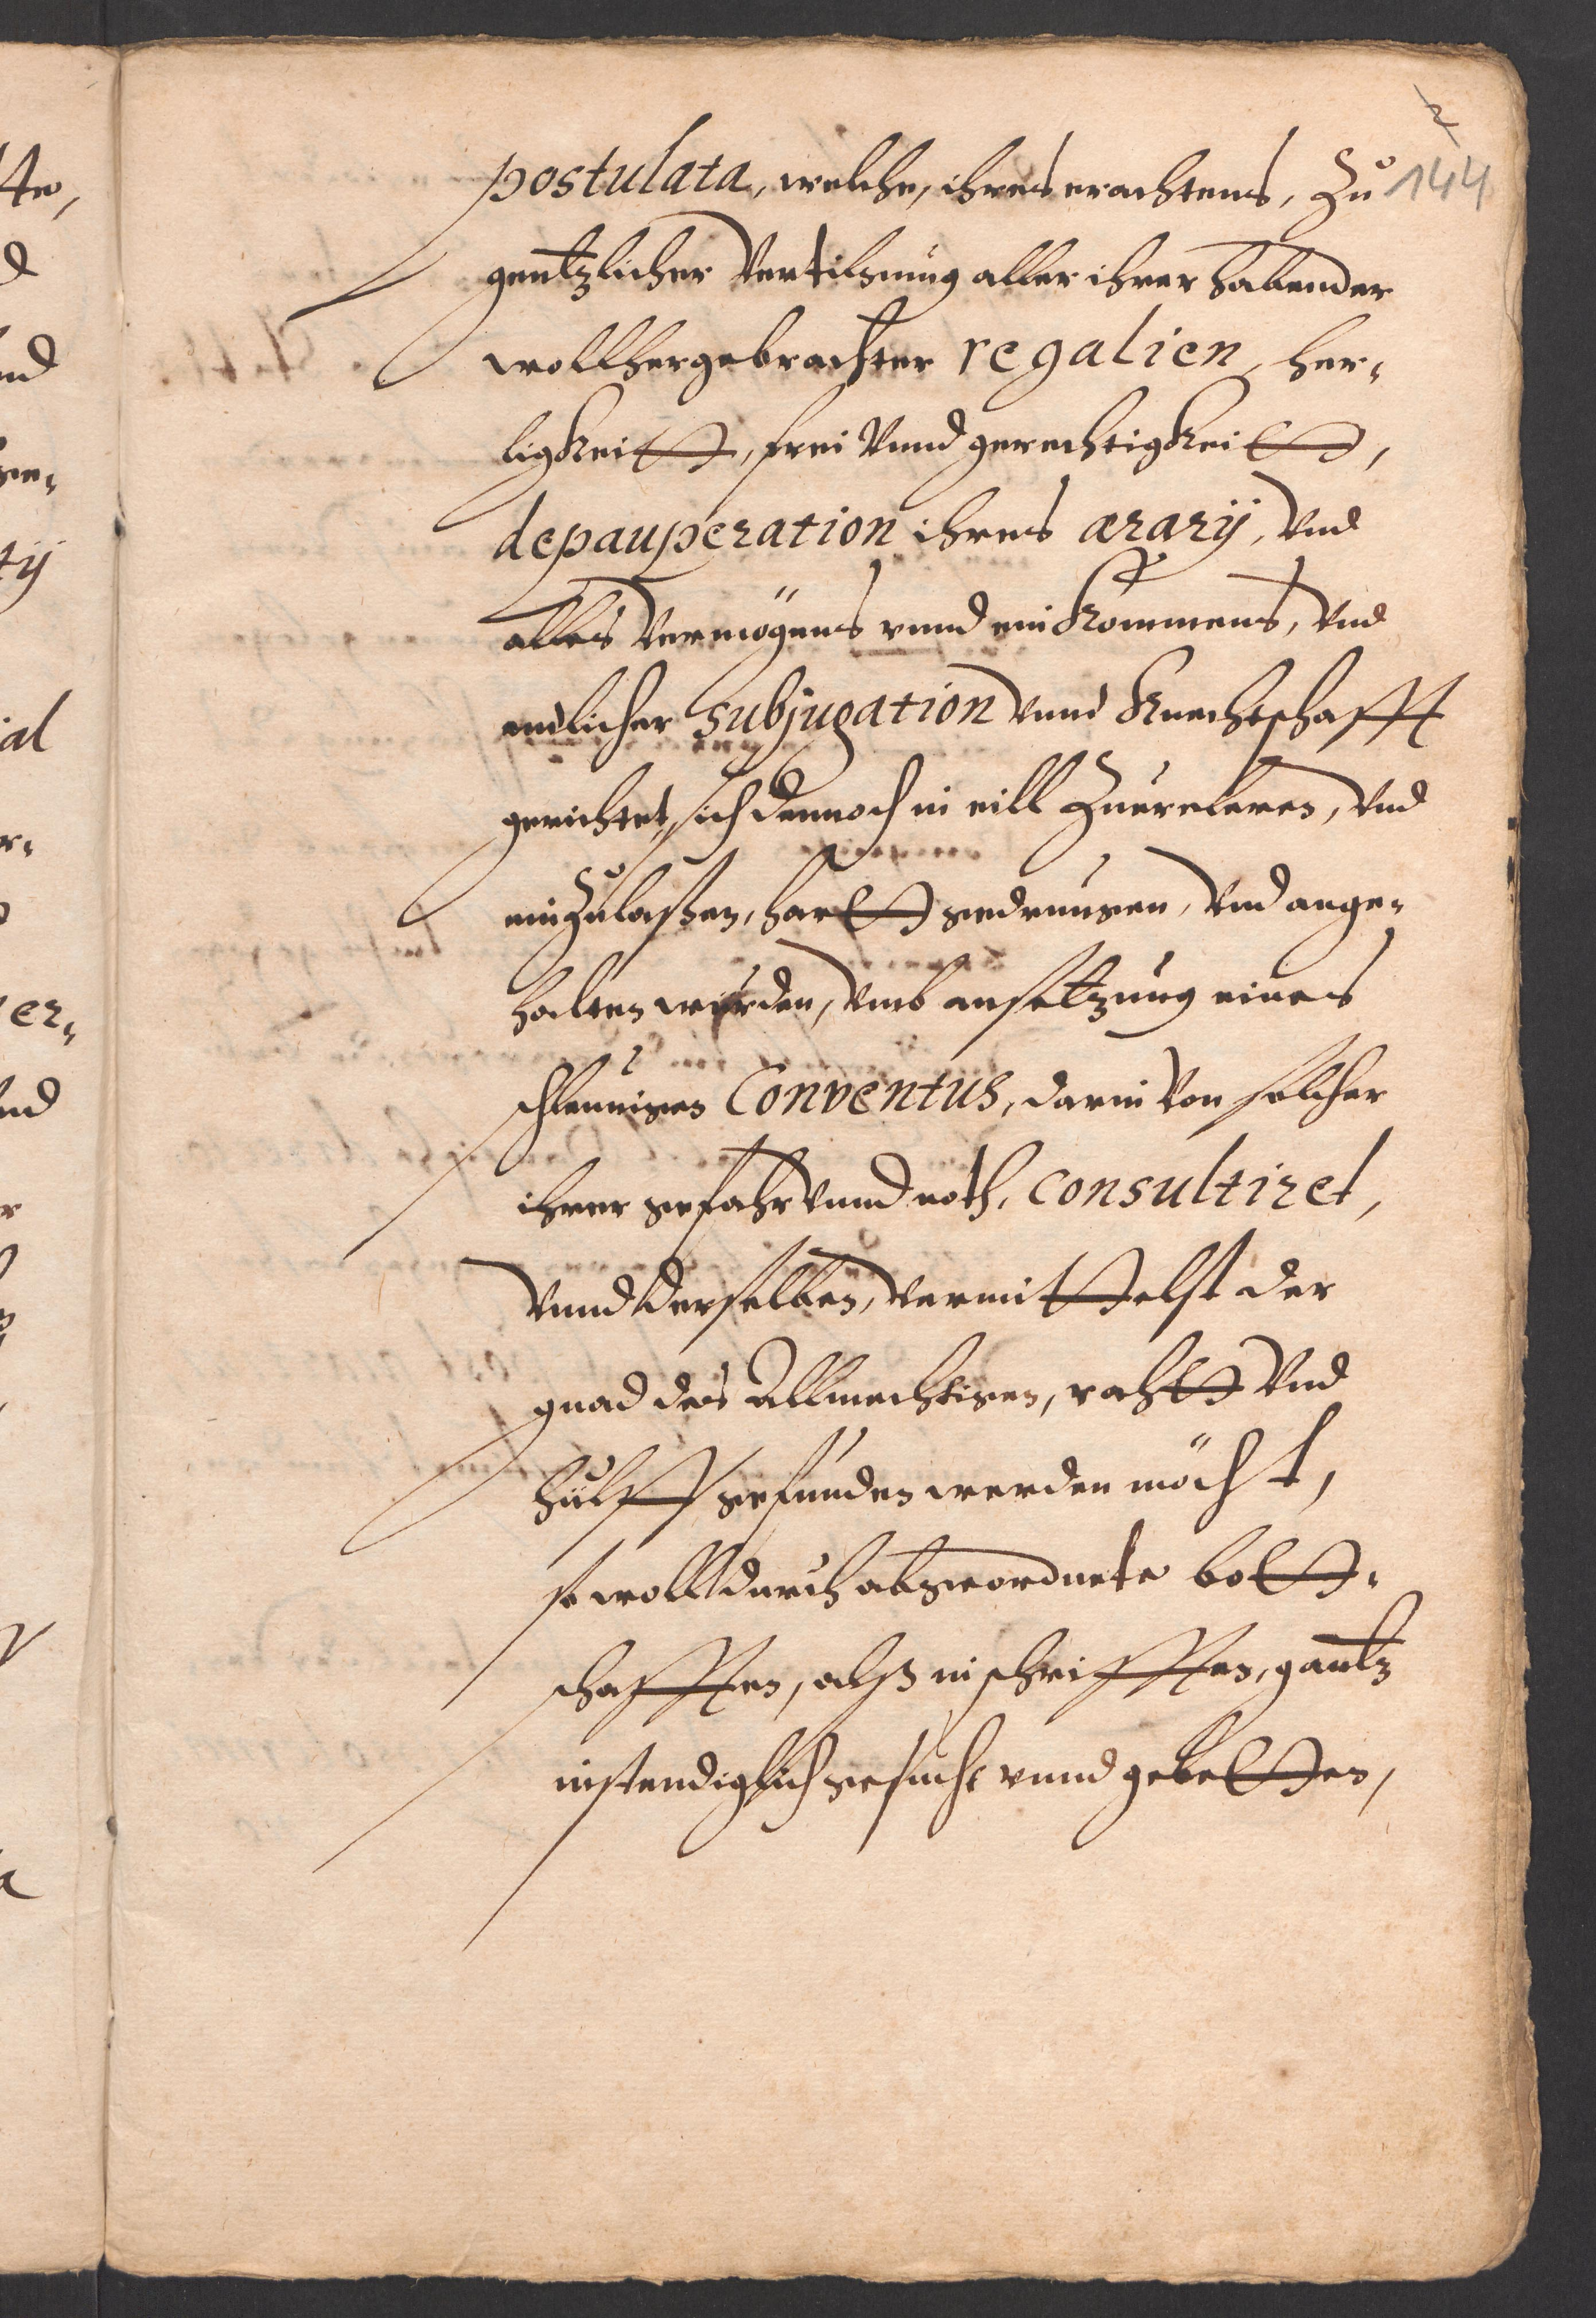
2
postulata, welche, ihres erachtens, zu
gentzlicher vertilgung aller ihrer habender
wollhergebrachter regalien, her¬
ligkeitt, frei vnd gerechtigkeitt,
depauperation ihres ararij, vnd
alles vermögens vnnd einkommens, vnd
endlicher subjugation vnd knechtschaftt
gerichtet, sich dennoch in eill zuercleren, vnd
einzulaßen, hartt gedrungen, vnd ange¬
halten würden, vmb ansetzung eines
schleunigen Conventus, darin von solcher
ihrer gefahr vnd noth, consultiret,
und derselben, vermittelst der
gnad des Allmechtigen, rahtt und
hülff gefunden werden möcht,
so wohl durch abgeordnete bott¬
schafften, alß in schrifften, gantz
instendiglich gesucht vnnd gebetten,
